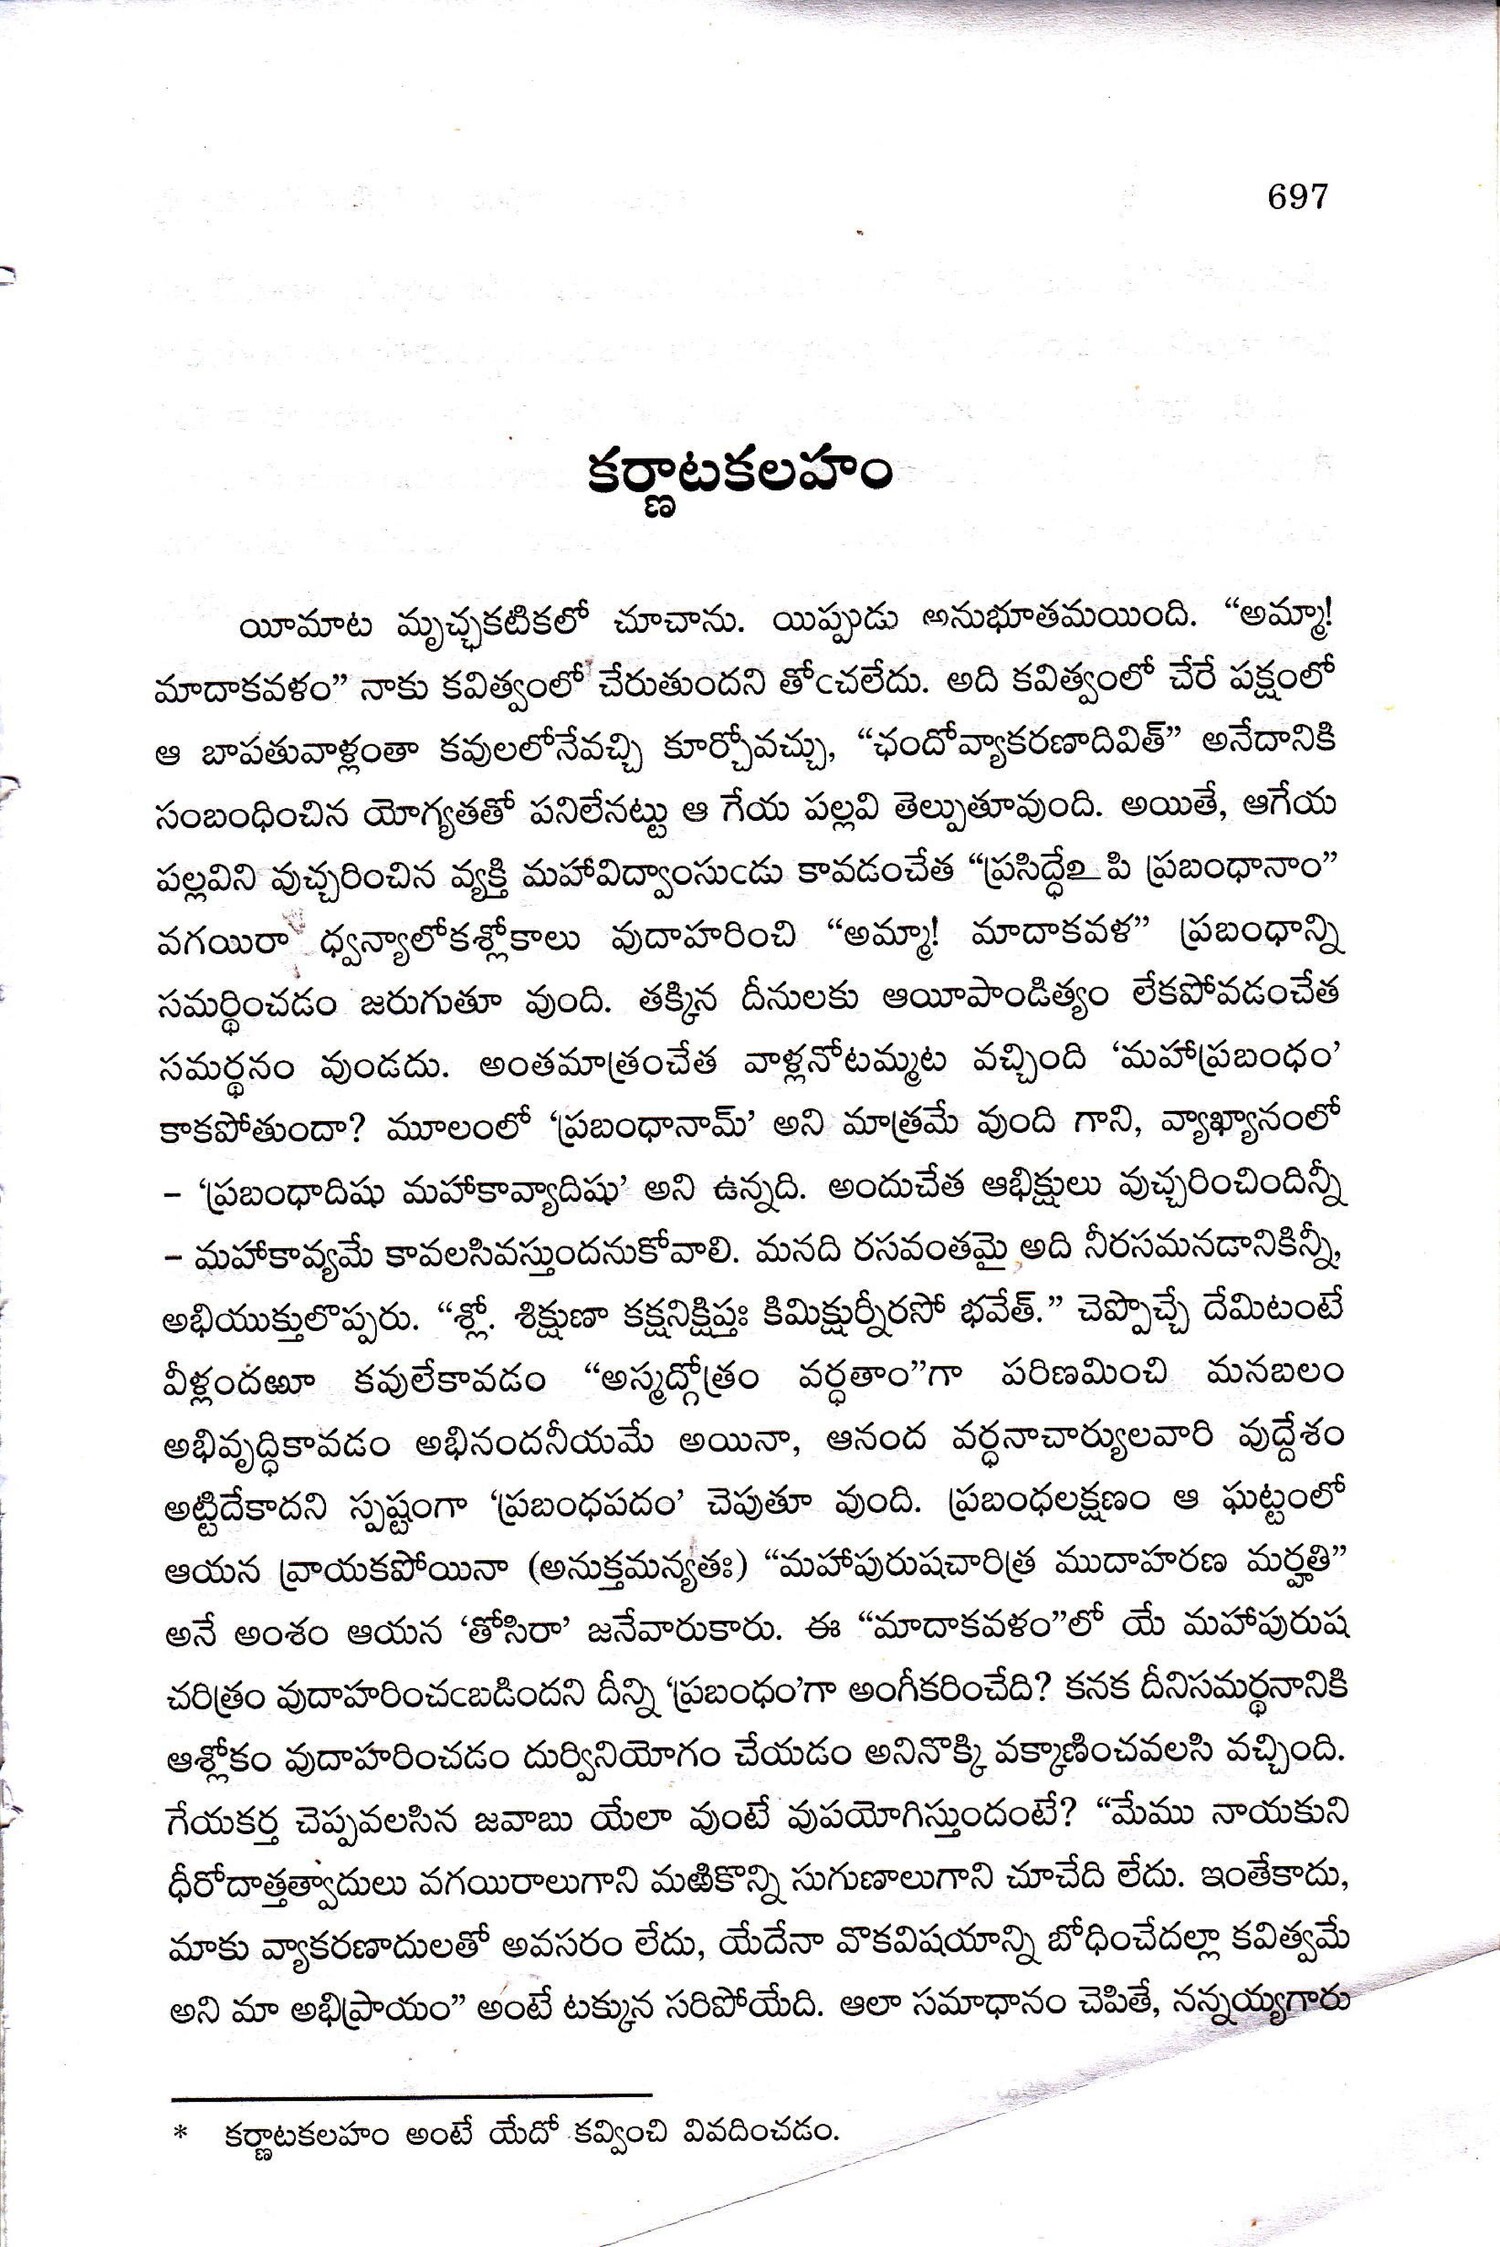కర్ణాటకలహం

యీమాట మృచ్ఛకటికలో చూచాను. యిప్పుడు అనుభూతమయింది. “అమ్మా! మాదాకవళం" నాకు కవిత్వంలో చేరుతుందని తోఁచలేదు. అది కవిత్వంలో చేరే పక్షంలో ఆ బాపతువాళ్లంతా కవులలోనేవచ్చి కూర్చోవచ్చు, “ఛందోవ్యాకరణాదివిత్" అనేదానికి సంబంధించిన యోగ్యతతో పనిలేనట్టు ఆ గేయ పల్లవి తెల్పుతూవుంది. అయితే, ఆగేయ పల్లవిని వుచ్చరించిన వ్యక్తి మహావిద్వాంసుఁడు కావడంచేత "ప్రసిద్దే౽పి ప్రబంధానాం” వగయిరా ధ్వన్యాలోకశ్లోకాలు వుదాహరించి “అమ్మా! మాదాకవళ" ప్రబంధాన్ని సమర్థించడం జరుగుతూ వుంది. తక్కిన దీనులకు ఆయీపాండిత్యం లేకపోవడంచేత సమర్ధనం వుండదు. అంతమాత్రంచేత వాళ్లనోటమ్మట వచ్చింది ‘మహాప్రబంధం' కాకపోతుందా? మూలంలో 'ప్రబంధానామ్‌' అని మాత్రమే వుంది గాని, వ్యాఖ్యానంలో – “ప్రబంధాదిషు మహాకావ్యాదిషు' అని ఉన్నది. అందుచేత ఆభిక్షులు వుచ్చరించిందిన్నీ - మహాకావ్యమే కావలసివస్తుందనుకోవాలి. మనది రసవంతమై అది నీరసమనడానికిన్నీ అభియుక్తులొప్పరు. “శ్లో శిక్షుణా కక్షనిక్షిప్తః కిమిక్షుర్నీరసో భవేత్." చెప్పొచ్చే దేమిటంటే వీళ్లందఱూ కవులేకావడం "అస్మద్గోత్రం వర్ధతాం"గా పరిణమించి మనబలం అభివృద్ధికావడం అభినందనీయమే అయినా, ఆనంద వర్ధనాచార్యులవారి వుద్దేశం అట్టిదేకాదని స్పష్టంగా 'ప్రబంధపదం' చెపుతూ వుంది. ప్రబంధలక్షణం ఆ ఘట్టంలో ఆయన వ్రాయకపోయినా (అనుక్తమన్యతః) “మహాపురుషచారిత్ర ముదాహరణ మర్దతి" అనే అంశం ఆయన 'తోసిరా' జనేవారుకారు. ఈ “మాదాకవళం"లో యే మహాపురుష చరిత్రం వుదాహరించఁబడిందని దీన్ని ప్రబంధంగా అంగీకరించేది? కనక దీనిసమర్థనానికి ఆశ్లోకం వుదాహరించడం దుర్వినియోగం చేయడం అనినొక్కివక్కాణించవలసి వచ్చింది. గేయకర్త చెప్పవలసిన జవాబు యేలా వుంటే వుపయోగిస్తుందంటే? "మేము నాయకుని ధీరోదాత్తత్వాదులు వగయిరాలుగాని మఱికొన్ని సుగుణాలుగాని చూచేది లేదు. ఇంతేకాదు, మాకు వ్యాకరణాదులతో అవసరం లేదు, యేదేనా వొకవిషయాన్ని బోధించేదల్లా కవిత్వమే అని మా అభిప్రాయం" అంటే టక్కున సరిపోయేది. ఆలా సమాధానం చెపితే, నన్నయ్యగారు

 కర్ణాటకలహం అంటే యేదో కవ్వించి వివదించడం.